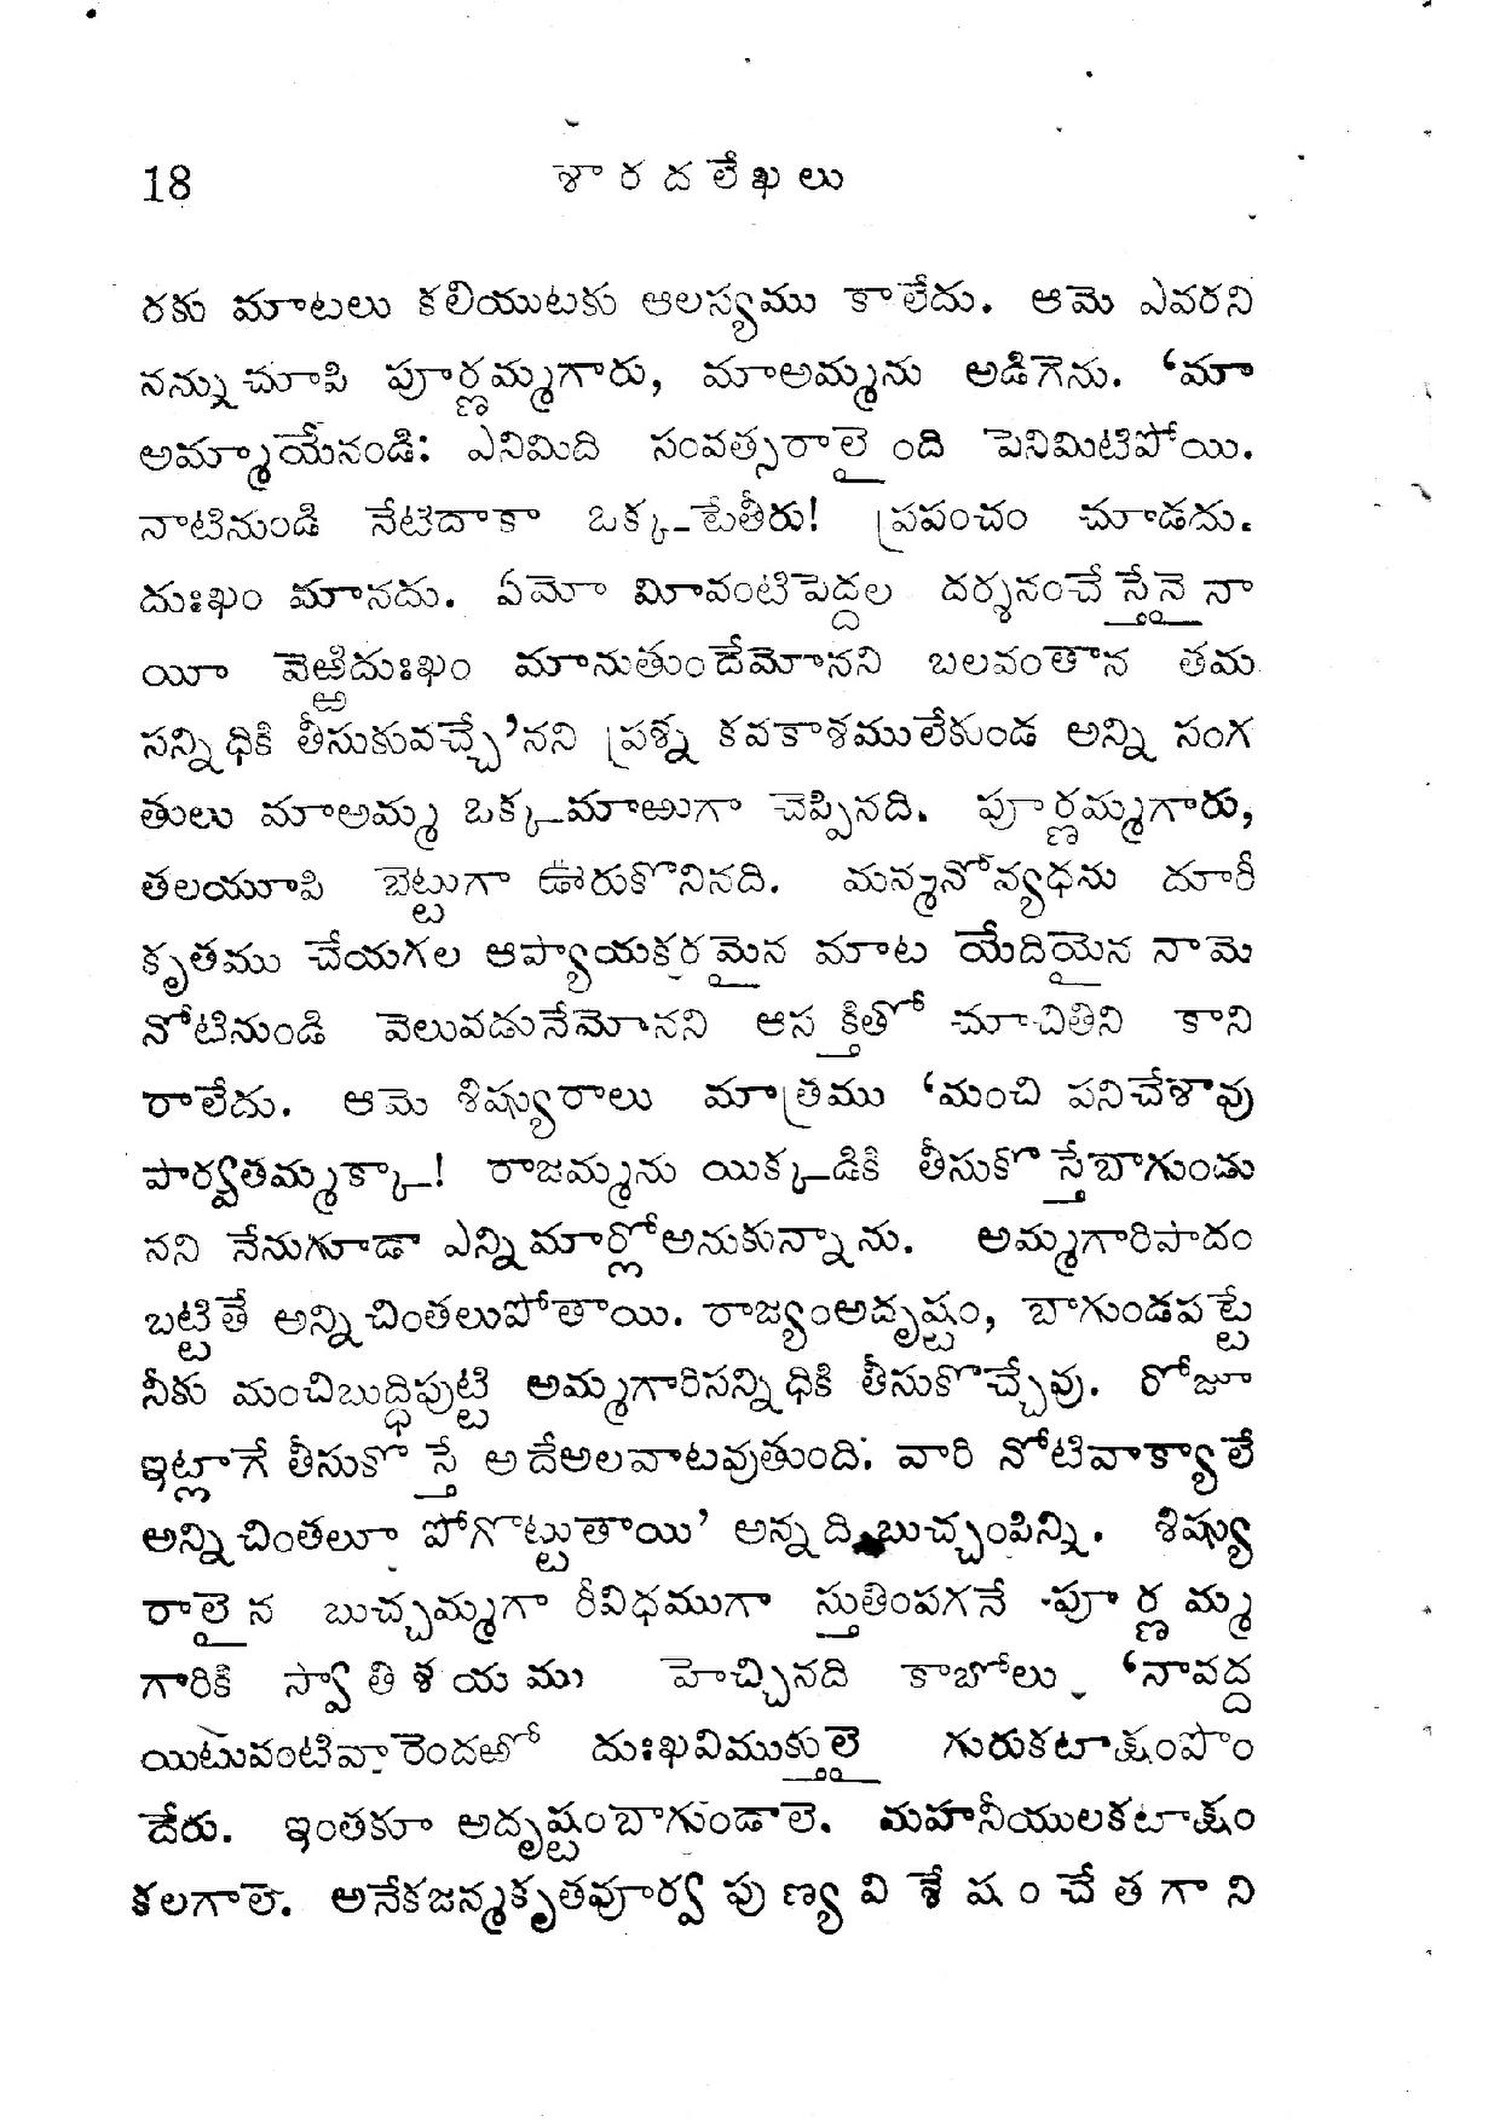రకు మాటలు కలియుటకు ఆలస్యము కాలేదు. ఆమెఎవరని
నన్ను చూపి పూర్ణమ్మగారు, మా అమ్మను అడిగెను.'మా
అమ్మాయేనండి: ఎనిమిది సంవత్సరాలైంది పెనిమిటి పోయి.
నాటినుండి నేటిదాకా ఒక్కటేతీరు! ప్రపంచం చూడదు.
దుఃఖం మానదు. ఏమోమీవంటి పెద్దల దర్శనంచేస్తేనైనా
యీ వెఱ్ఱిదుఃఖం మానుతుందేమోనని బలవంతాన తమ
సన్నిధికి తీసుకువచ్చే'నని ప్రశ్న కవకాశములేకుండ అన్ని సంగ
తులు మాఅమ్మ ఒక్క మాఱుగా చెప్పినది. పూర్ణమ్మగారు,
తలయూపి బెట్టుగా ఊరుకొనినది. మన్మనోవ్యధను దూరీ
కృతము చేయగల ఆప్యాయకరమైన మాట యేదియైన నామె
నోటినుండి వెలువడునేమోనని ఆస క్తితో చూచితిని కాని
రాలేదు. ఆమె శిష్యురాలు మాత్రము 'మంచి పనిచేశావు
పార్వతమ్మక్కా! రాజమ్మను యిక్కడికి తీసుకొస్తేబాగుండు
నని నేనుగూడా ఎన్నిమార్లో అనుకున్నాను. అమ్మగారిపాదం
బట్టితే అన్ని చింతలుపోతాయి. రాజ్యం అదృష్టం బాగుండ పట్టే
నీకు మంచిబుద్ధిపుట్టి అమ్మగారిసన్నిధికి తీసుకొచ్చేవు. రోజూ
ఇట్లాగే తీసుకో స్తే అదేఅలవాటవుతుంది. వారి నోటివాక్యాలే
అన్ని చింతలూ పోగొట్టుతాయి' అన్నది బుచ్చంపిన్ని. శిష్యు
రాలైన బుచ్చమ్మగా రీవిధముగా స్తుతింపగనే పూర్ణమ్మ
గారికి స్వాతిశయము హెచ్చినది కాబోలు. 'నావద్ద
యిటువంటివారెందఱో దుఃఖవిముకులై గురుకటాక్షం పొం
దేరు. ఇంతకూ అదృష్టం బాగుండాలె. మహనీయులకటాక్షం
కలగాలె. అనేక జన్మకృతపూర్వ పుణ్యవి శేషం చేతగాని